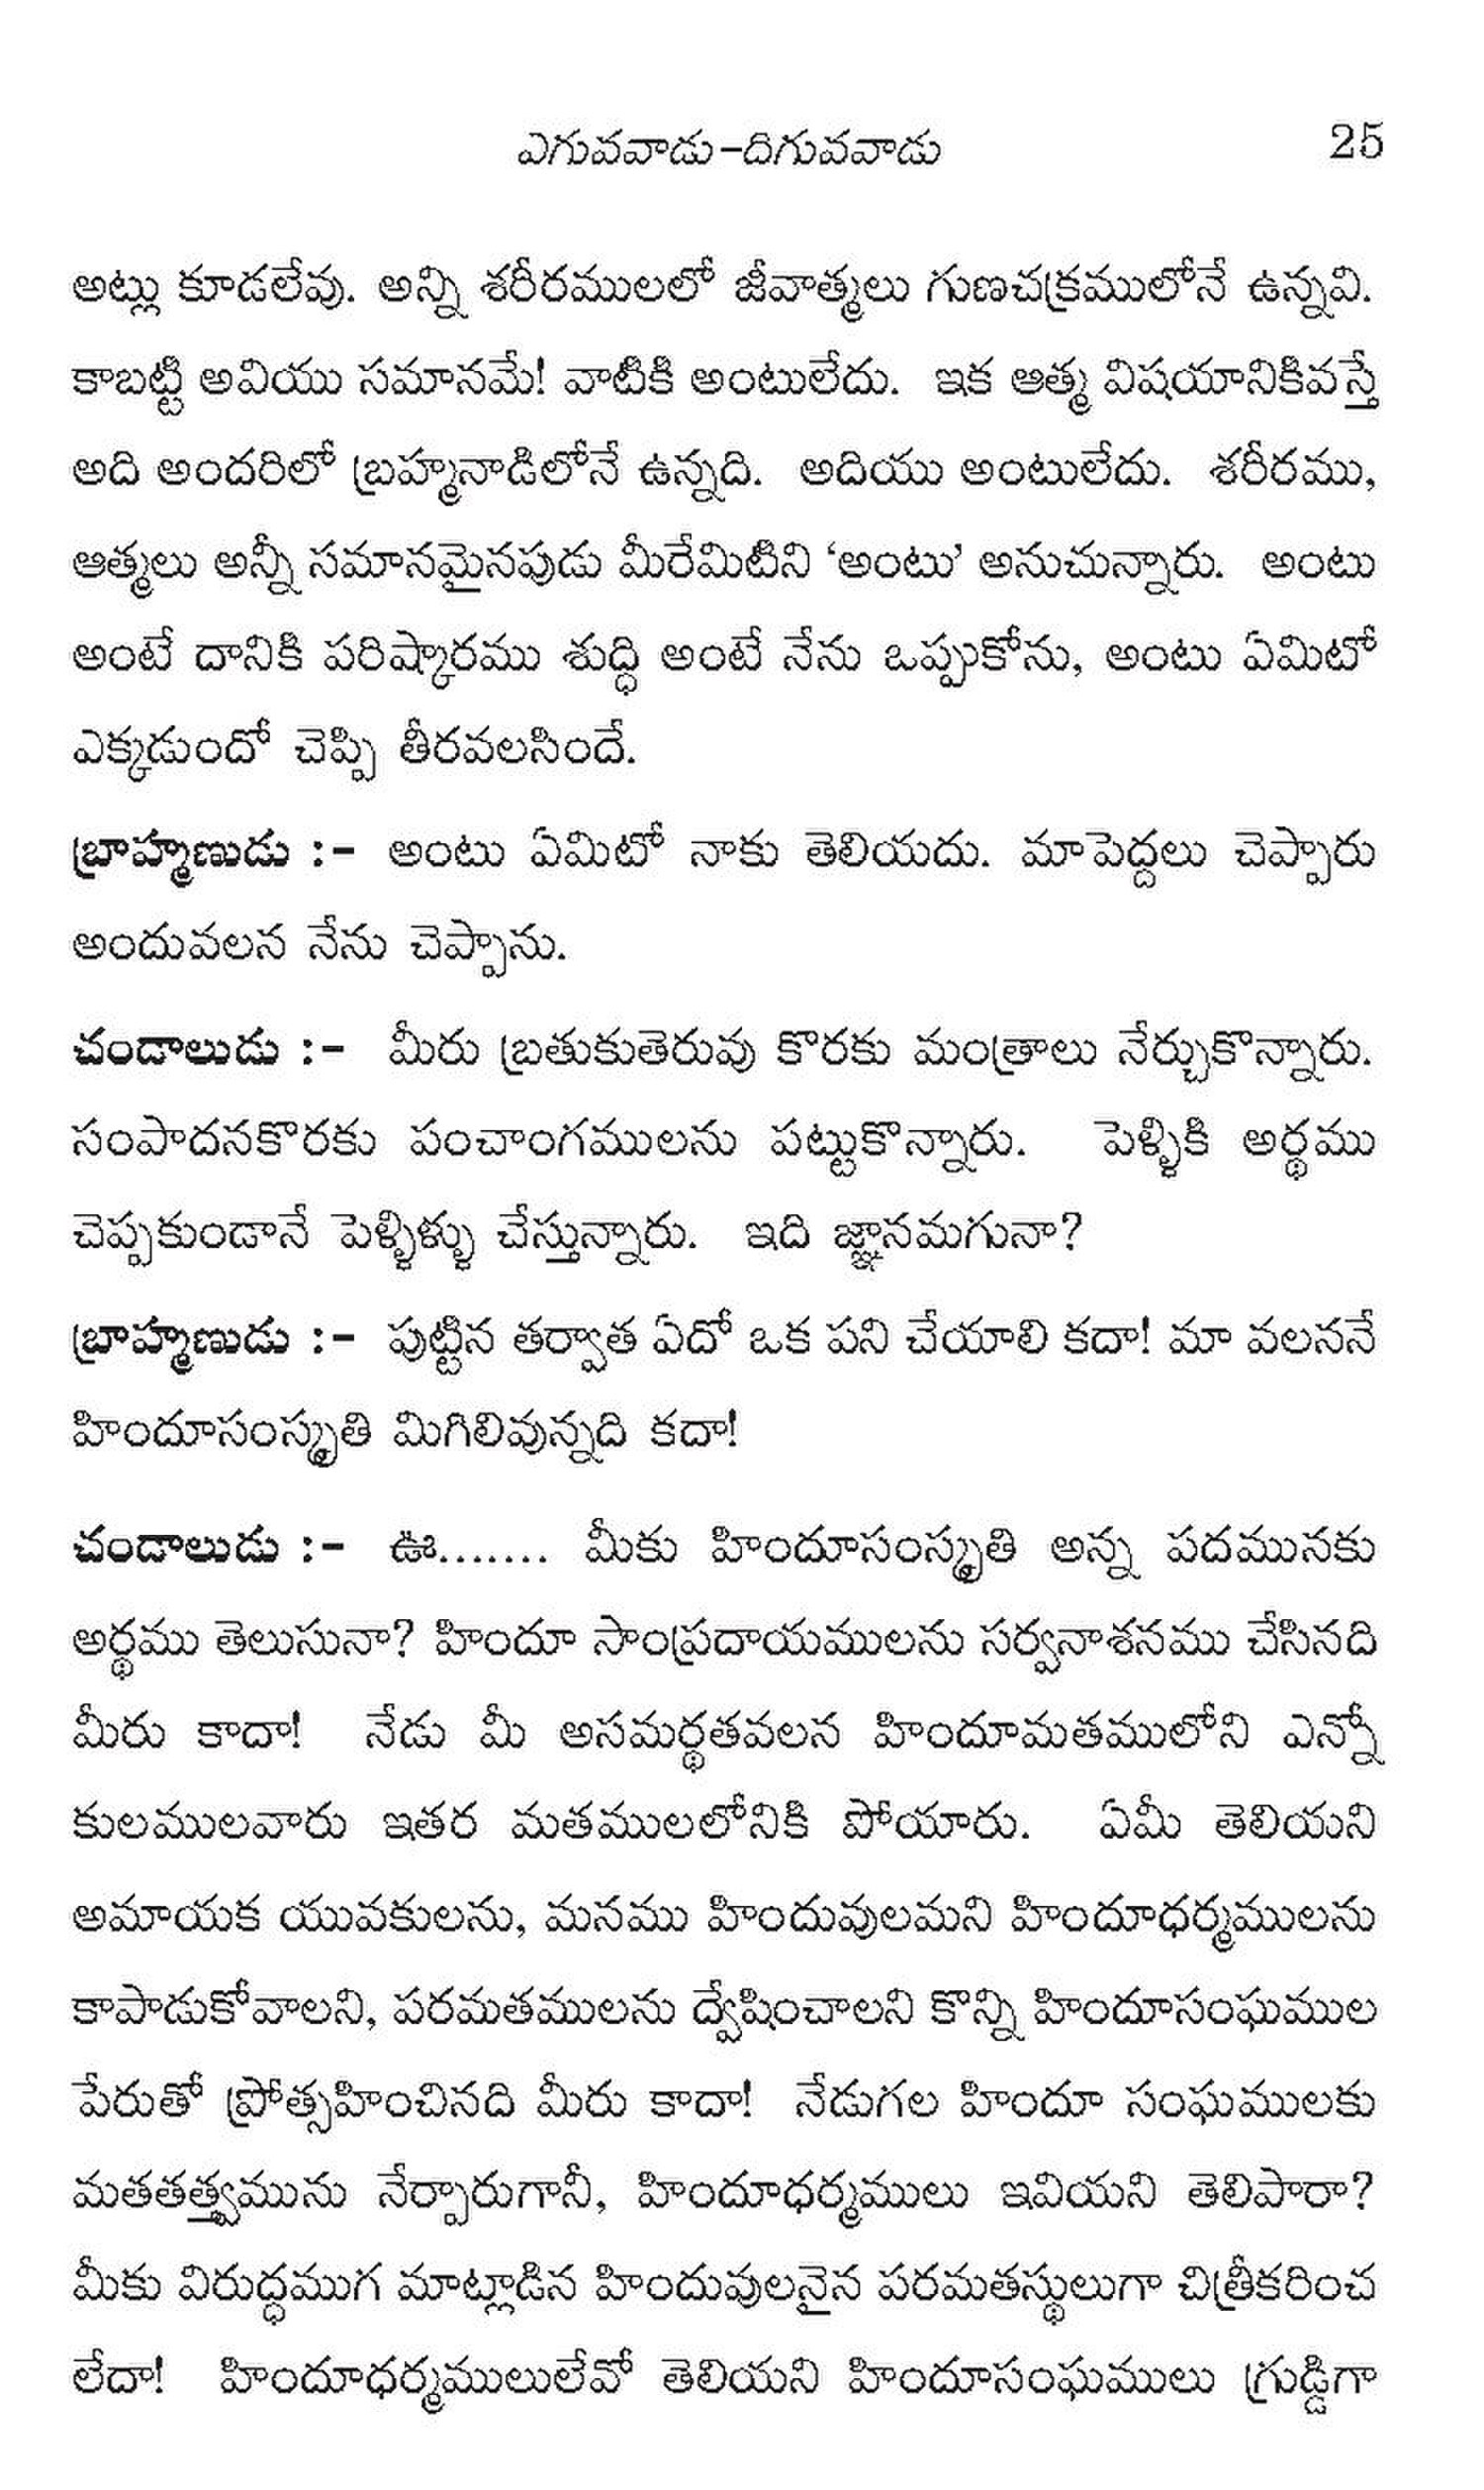అట్లు కూడలేవు. అన్ని శరీరములలో జీవాత్మలు గుణచక్రములోనే ఉన్నవి. కాబట్టి అవియు సమానమే! వాటికి అంటులేదు. ఇక ఆత్మ విషయానికివస్తే అది అందరిలో బ్రహ్మనాడిలోనే ఉన్నది. అదియు అంటులేదు. శరీరము, ఆత్మలు అన్నీ సమానమైనపుడు మీరేమిటిని ‘అంటు’ అనుచున్నారు. అంటు అంటే దానికి పరిష్కారము శుద్ధి అంటే నేను ఒప్పుకోను, అంటు ఏమిటో ఎక్కడుందో చెప్పి తీరవలసిందే.

బ్రాహ్మణుడు :- అంటు ఏమిటో నాకు తెలియదు. మాపెద్దలు చెప్పారు అందువలన నేను చెప్పాను.

చండాలుడు :-	మీరు బ్రతుకుతెరువు కొరకు మంత్రాలు నేర్చుకొన్నారు. సంపాదనకొరకు పంచాంగములను పట్టుకొన్నారు. పెళ్ళికి అర్థము చెప్పకుండానే పెళ్ళిళ్ళు చేస్తున్నారు. ఇది జ్ఞానమగునా?

బ్రాహ్మణుడు :- పుట్టిన తర్వాత ఏదో ఒక పని చేయాలి కదా! మా వలననే హిందూసంస్కృతి మిగిలివున్నది కదా!

చండాలుడు :-	ఊ....... మీకు హిందూసంస్కృతి అన్న పదమునకు అర్థము తెలుసునా? హిందూ సాంప్రదాయములను సర్వనాశనము చేసినది మీరు కాదా! నేడు మీ అసమర్థతవలన హిందూమతములోని ఎన్నో కులములవారు ఇతర మతములలోనికి పోయారు. ఏమీ తెలియని అమాయక యువకులను, మనము హిందువులమని హిందూధర్మములను కాపాడుకోవాలని, పరమతములను ద్వేషించాలని కొన్ని హిందూసంఘముల పేరుతో ప్రోత్సహించినది మీరు కాదా! నేడుగల హిందూ సంఘములకు మతతత్త్వమును నేర్పారుగానీ, హిందూధర్మములు ఇవియని తెలిపారా? మీకు విరుద్ధముగ మాట్లాడిన హిందువులనైన పరమతస్థులుగా చిత్రీకరించ లేదా! హిందూధర్మములులేవో తెలియని హిందూసంఘములు గ్రుడ్డిగా